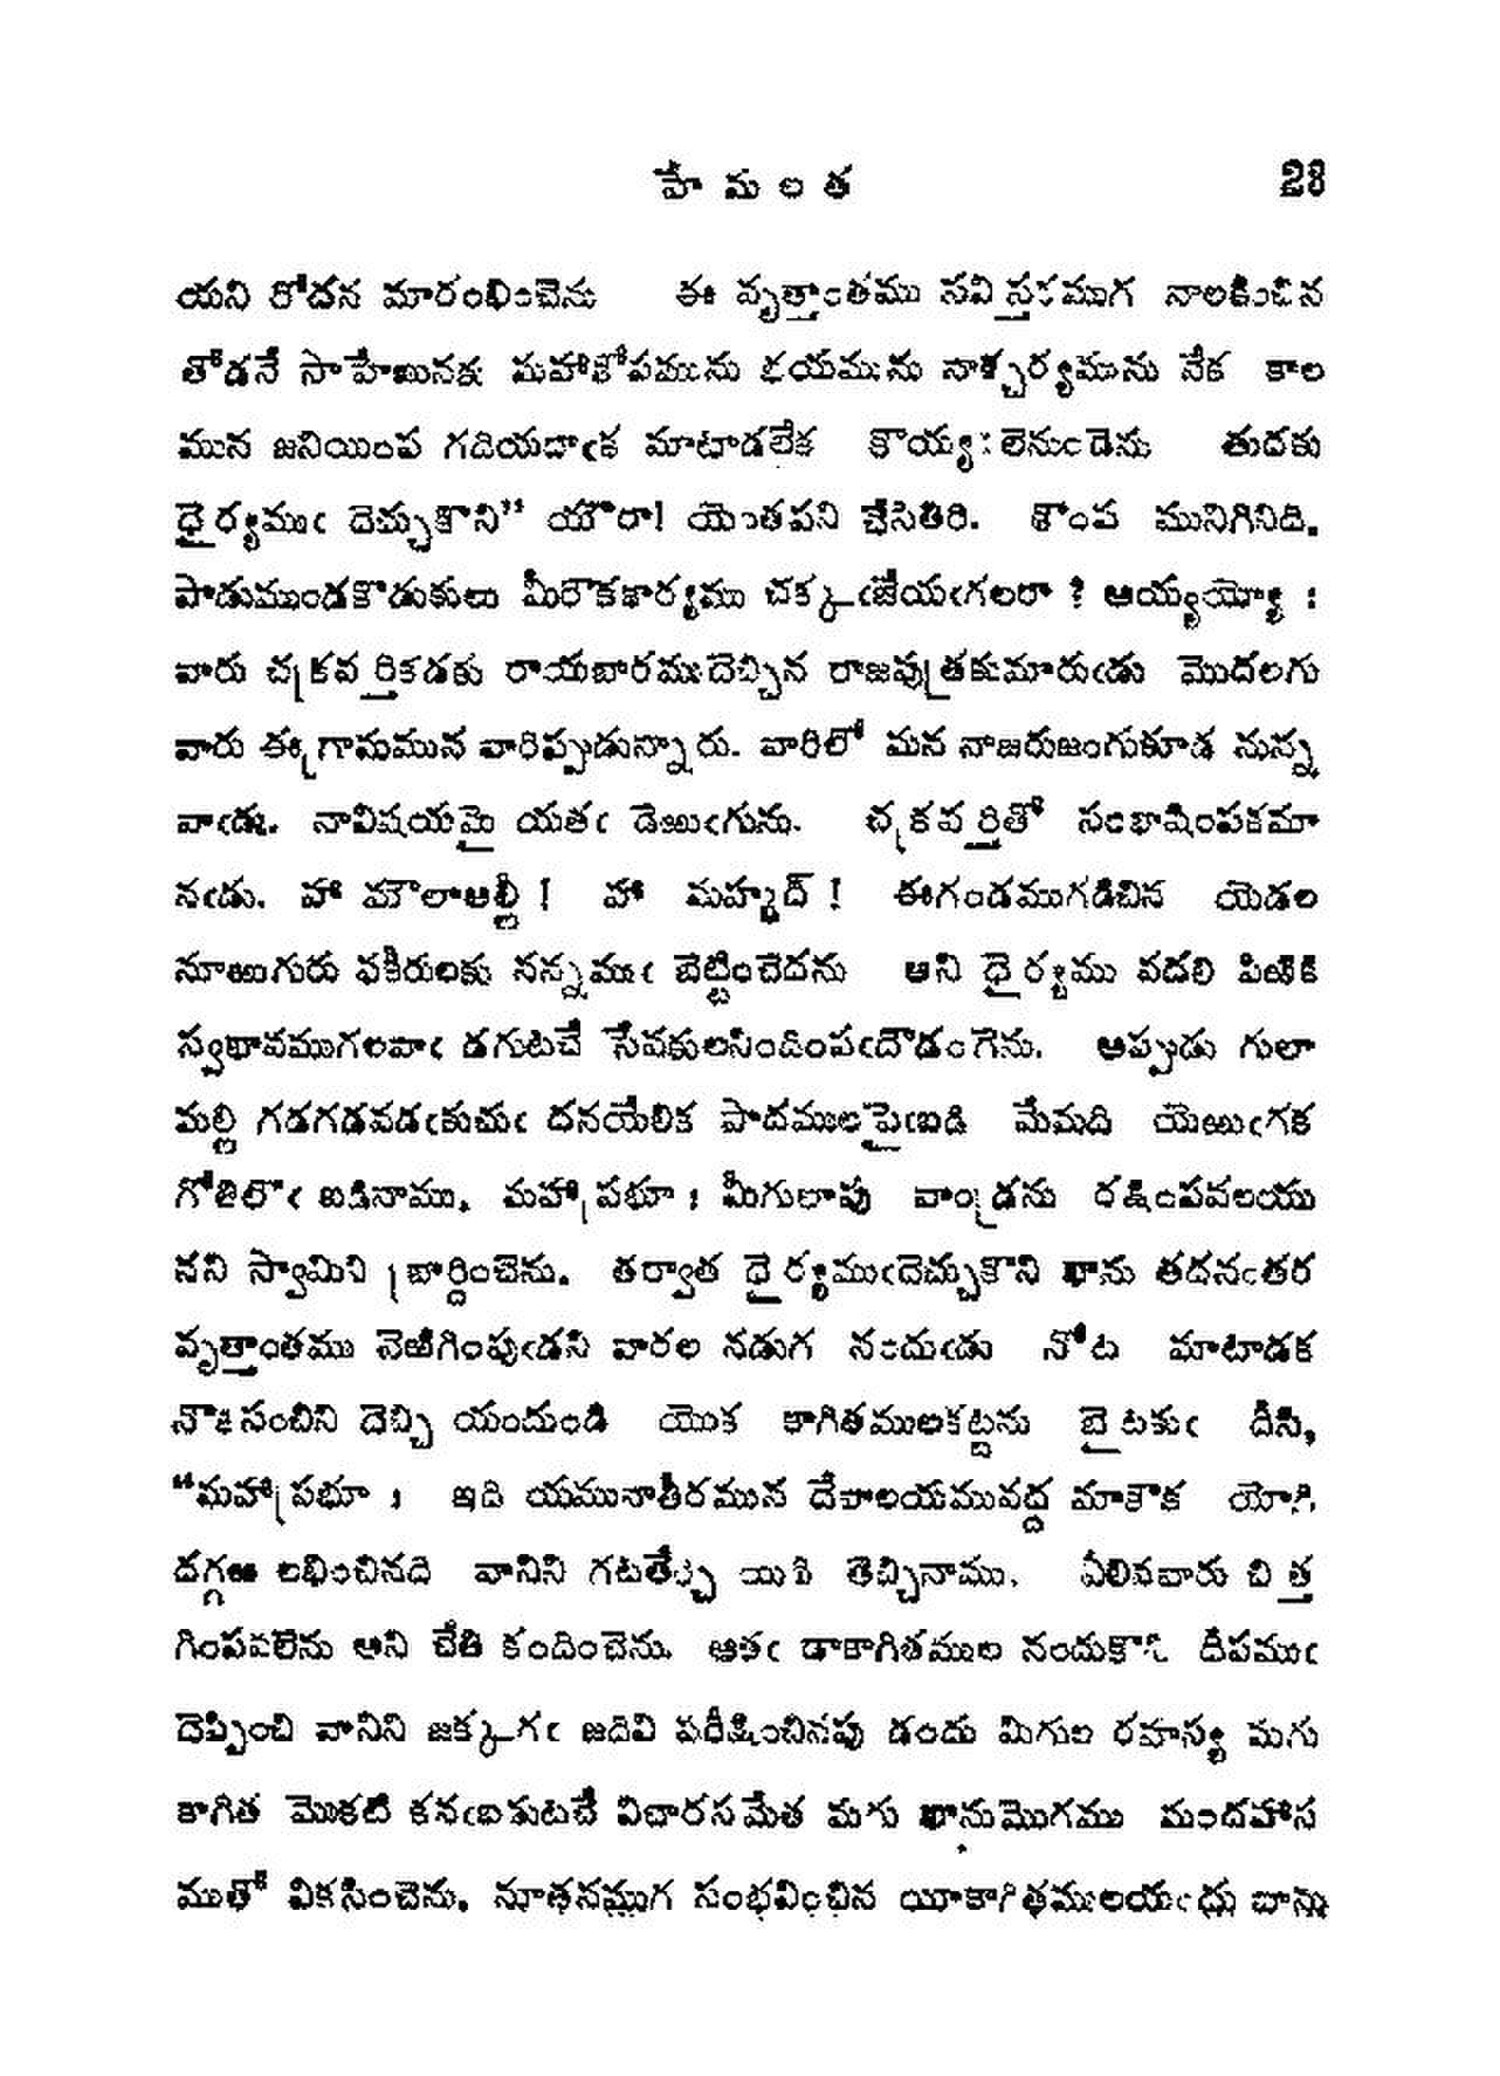యని రోదన మారంభించెను. ఈ వృత్తాంతము సవిస్తరముగ నాలకించిన తోడనే సాహేబునకు మహాకోపమును భయమును నాశ్చర్యమును నేక కాలమున జనియింప గదియదాఁక మాటాడలేక కొయ్యవలెనుండెను. తుదకు ధైర్యముఁ దెచ్చుకొని “యౌరా! యెంతపని చేసితిరి. కొంప మునిగినిది. పాడుముండకొడుకులు మీరొకకార్యము చక్కఁజేయఁగలరా? అయ్యయ్యో! వారు చక్రవర్తికడకు రాయబారము దెచ్చిన రాజపుత్రకుమారుడు మొదలగు వారు ఈ గ్రామమున వారిప్పుడున్నారు. వారిలో మన నాజరుజంగుగూడ నున్నవాఁడు. నావిషయమై యతఁ డెఱఁగును. చక్రవర్తితో సంభాషింపకమానఁడు. హా మౌలాఅల్లీ! హా మహ్మద్! ఈగండముగడిచిన యెడల నూఱుగురు ఫకీరులకు సన్నముఁ బెట్టించెదను అని ధైర్యము వదలి పిఱికి స్వభావముగలవాఁ డగుటచే సేవకులనిందింపఁదొడంగెను. అప్పుడు గులామల్లి గడగడవడఁకుచుఁ దనయేలిక పాదముల పైఁబడి మేమది యెఱుఁగక గోతిలోఁ బడినాము. మహాప్రభూ! మీగులాపు వాండ్రను రక్షింపవలయునని స్వామిని బ్రార్థించెను. తర్వాత ధైర్యముఁదెచ్చుకొని ఖాను తదనంతర వృత్తాంతము నెఱిగింపుఁడని వారల నడుగ నందుఁడు నోట మాటాడక నొక సంచిని దెచ్చి యందుండి యొక కాగితములకట్టను బైటకుఁ దీసి, “మహాప్రభూ! ఇది యమునాతీరమున దేవాలయమువద్ద మాకొక యోగి దగ్గఱ లభించినది. వానిని గటతేర్చి యిది తెచ్చినాము. ఏలినవారు చిత్తగింపవలెను అని చేతి కందించెను. ఆతఁ డాకాగితముల నందుకొని దీపముఁ దెప్పించి వానిని జక్కగఁ జదివి పరీక్షించినపు డందు మిగుల రహస్యమగు కాగిత మొకటి కనఁబగుటచే విచారసమేత మగు ఖానుమొగము మందహాసముతో వికసించెను. నూతనముగ సంభవించిన యీకాగితములయందు దాను